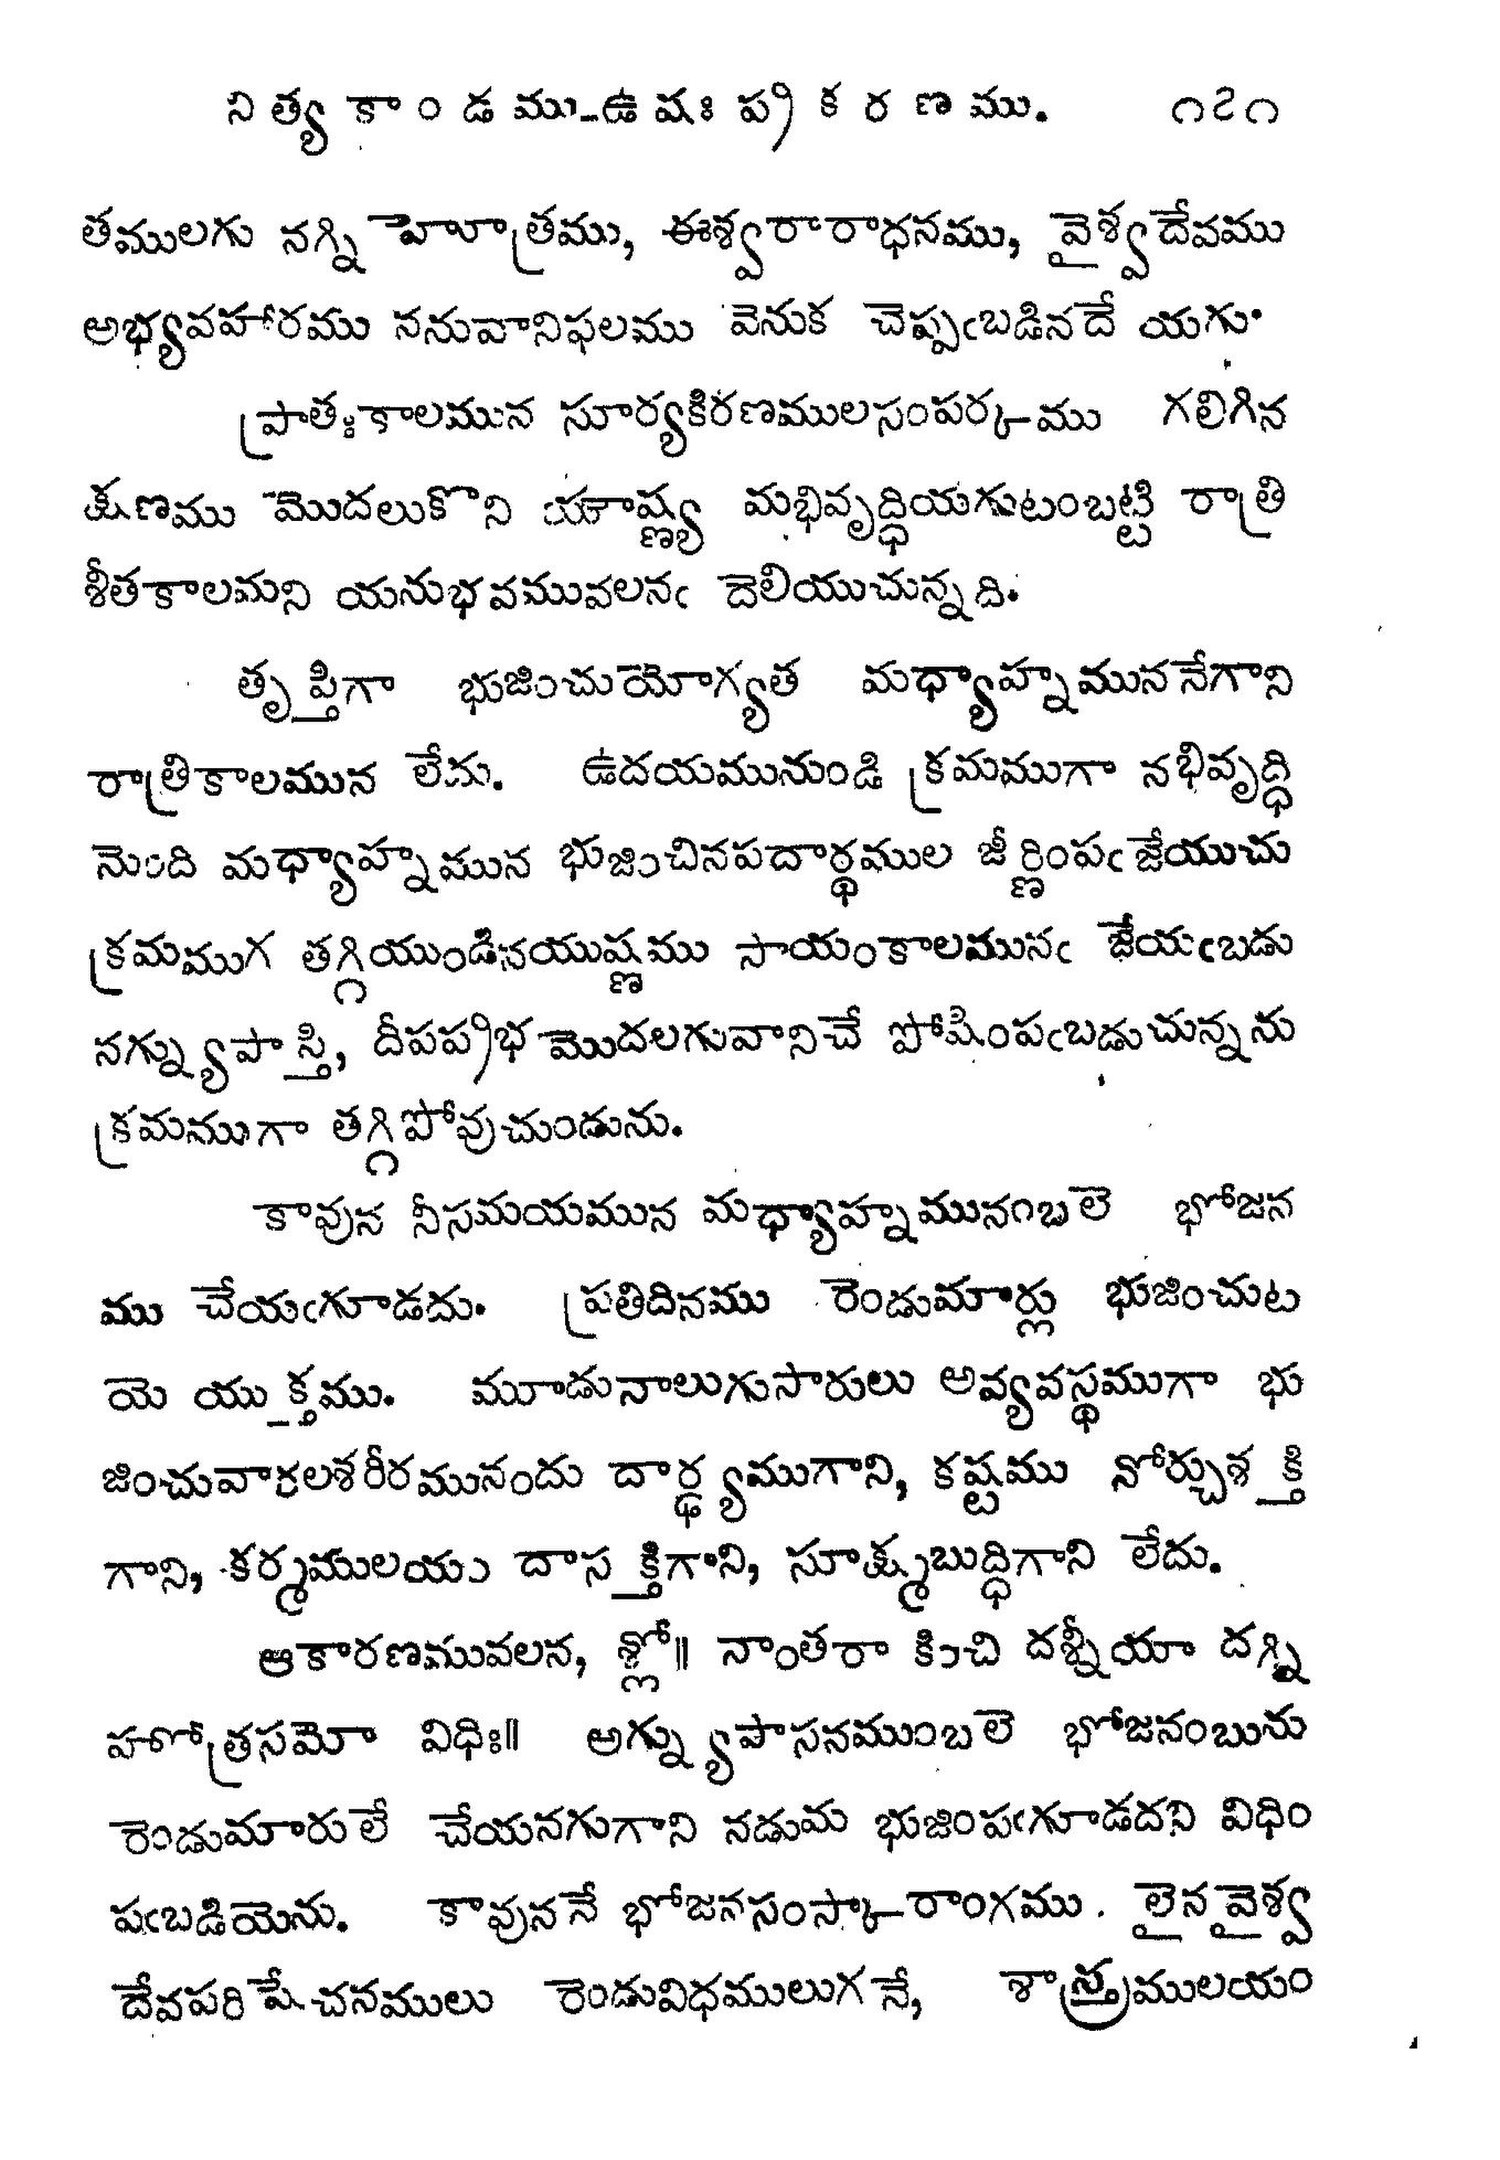తములగు నగ్ని హోత్రము, ఈశ్వరారాధనము, వైశ్వదేవము అభ్యవహారము ననువానిఫలము వెనుక చెప్పఁబడినదే యగు.

ప్రాతఃకాలమున సూర్యకిరణములసంపర్కము గలిగిన క్షణము మొదలుకొని యౌష్ణ్య మభివృద్ధియగుటంబట్టి రాత్రి శీతకాలమని యనుభవమువలనఁ దెలియుచున్నది.

తృప్తిగా భుజించుయోగ్యత మధ్యాహ్నముననేగాని రాత్రికాలమున లేదు. ఉదయమునుండి క్రమముగా నభివృద్ధి నొంది మధ్యాహ్నమున భుజించినపదార్థములు జీర్ణింపఁజేయుచు క్రమముగ తగ్గియుండినయుష్ణము సాయంకాలమునఁ జేయఁబడు నగ్న్యుపాస్త్రి, దీపప్రభ మొదలగువానిచే పోషింపఁబడుచున్నను క్రమముగా తగ్గిపోవుచుండును.

కావున నీసమయమున మధ్యాహ్నమునంబలె భోజనము చేయఁగూడదు. ప్రతిదినము రెండుమార్లు భుజించుటయె యుక్తము. మూడునాలుగుసారులు అవ్యవస్థముగా భుజించువారలశరీరమునందు దార్ఢ్యముగాని, కష్టము నోర్చుశక్తిగాని, కర్మములయం దాసక్తిగాని, సూక్ష్మబుద్ధిగాని లేదు.

ఆకారణమువలన, శ్లో॥ నాంతరా కించి దశ్నీయా దగ్నిహోత్రసమో విధిః॥ అగ్న్యుపాసనముంబలె భోజనంబును రెండుమారులే చేయనగుగాని నడుమ భుజింపఁగూడదని విధింపఁబడియెను. కావుననే భోజనసంస్కారాంగము లైనవైశ్వదేవపరిషేచనములు రెండువిధములుగనే, శాస్త్రములయం